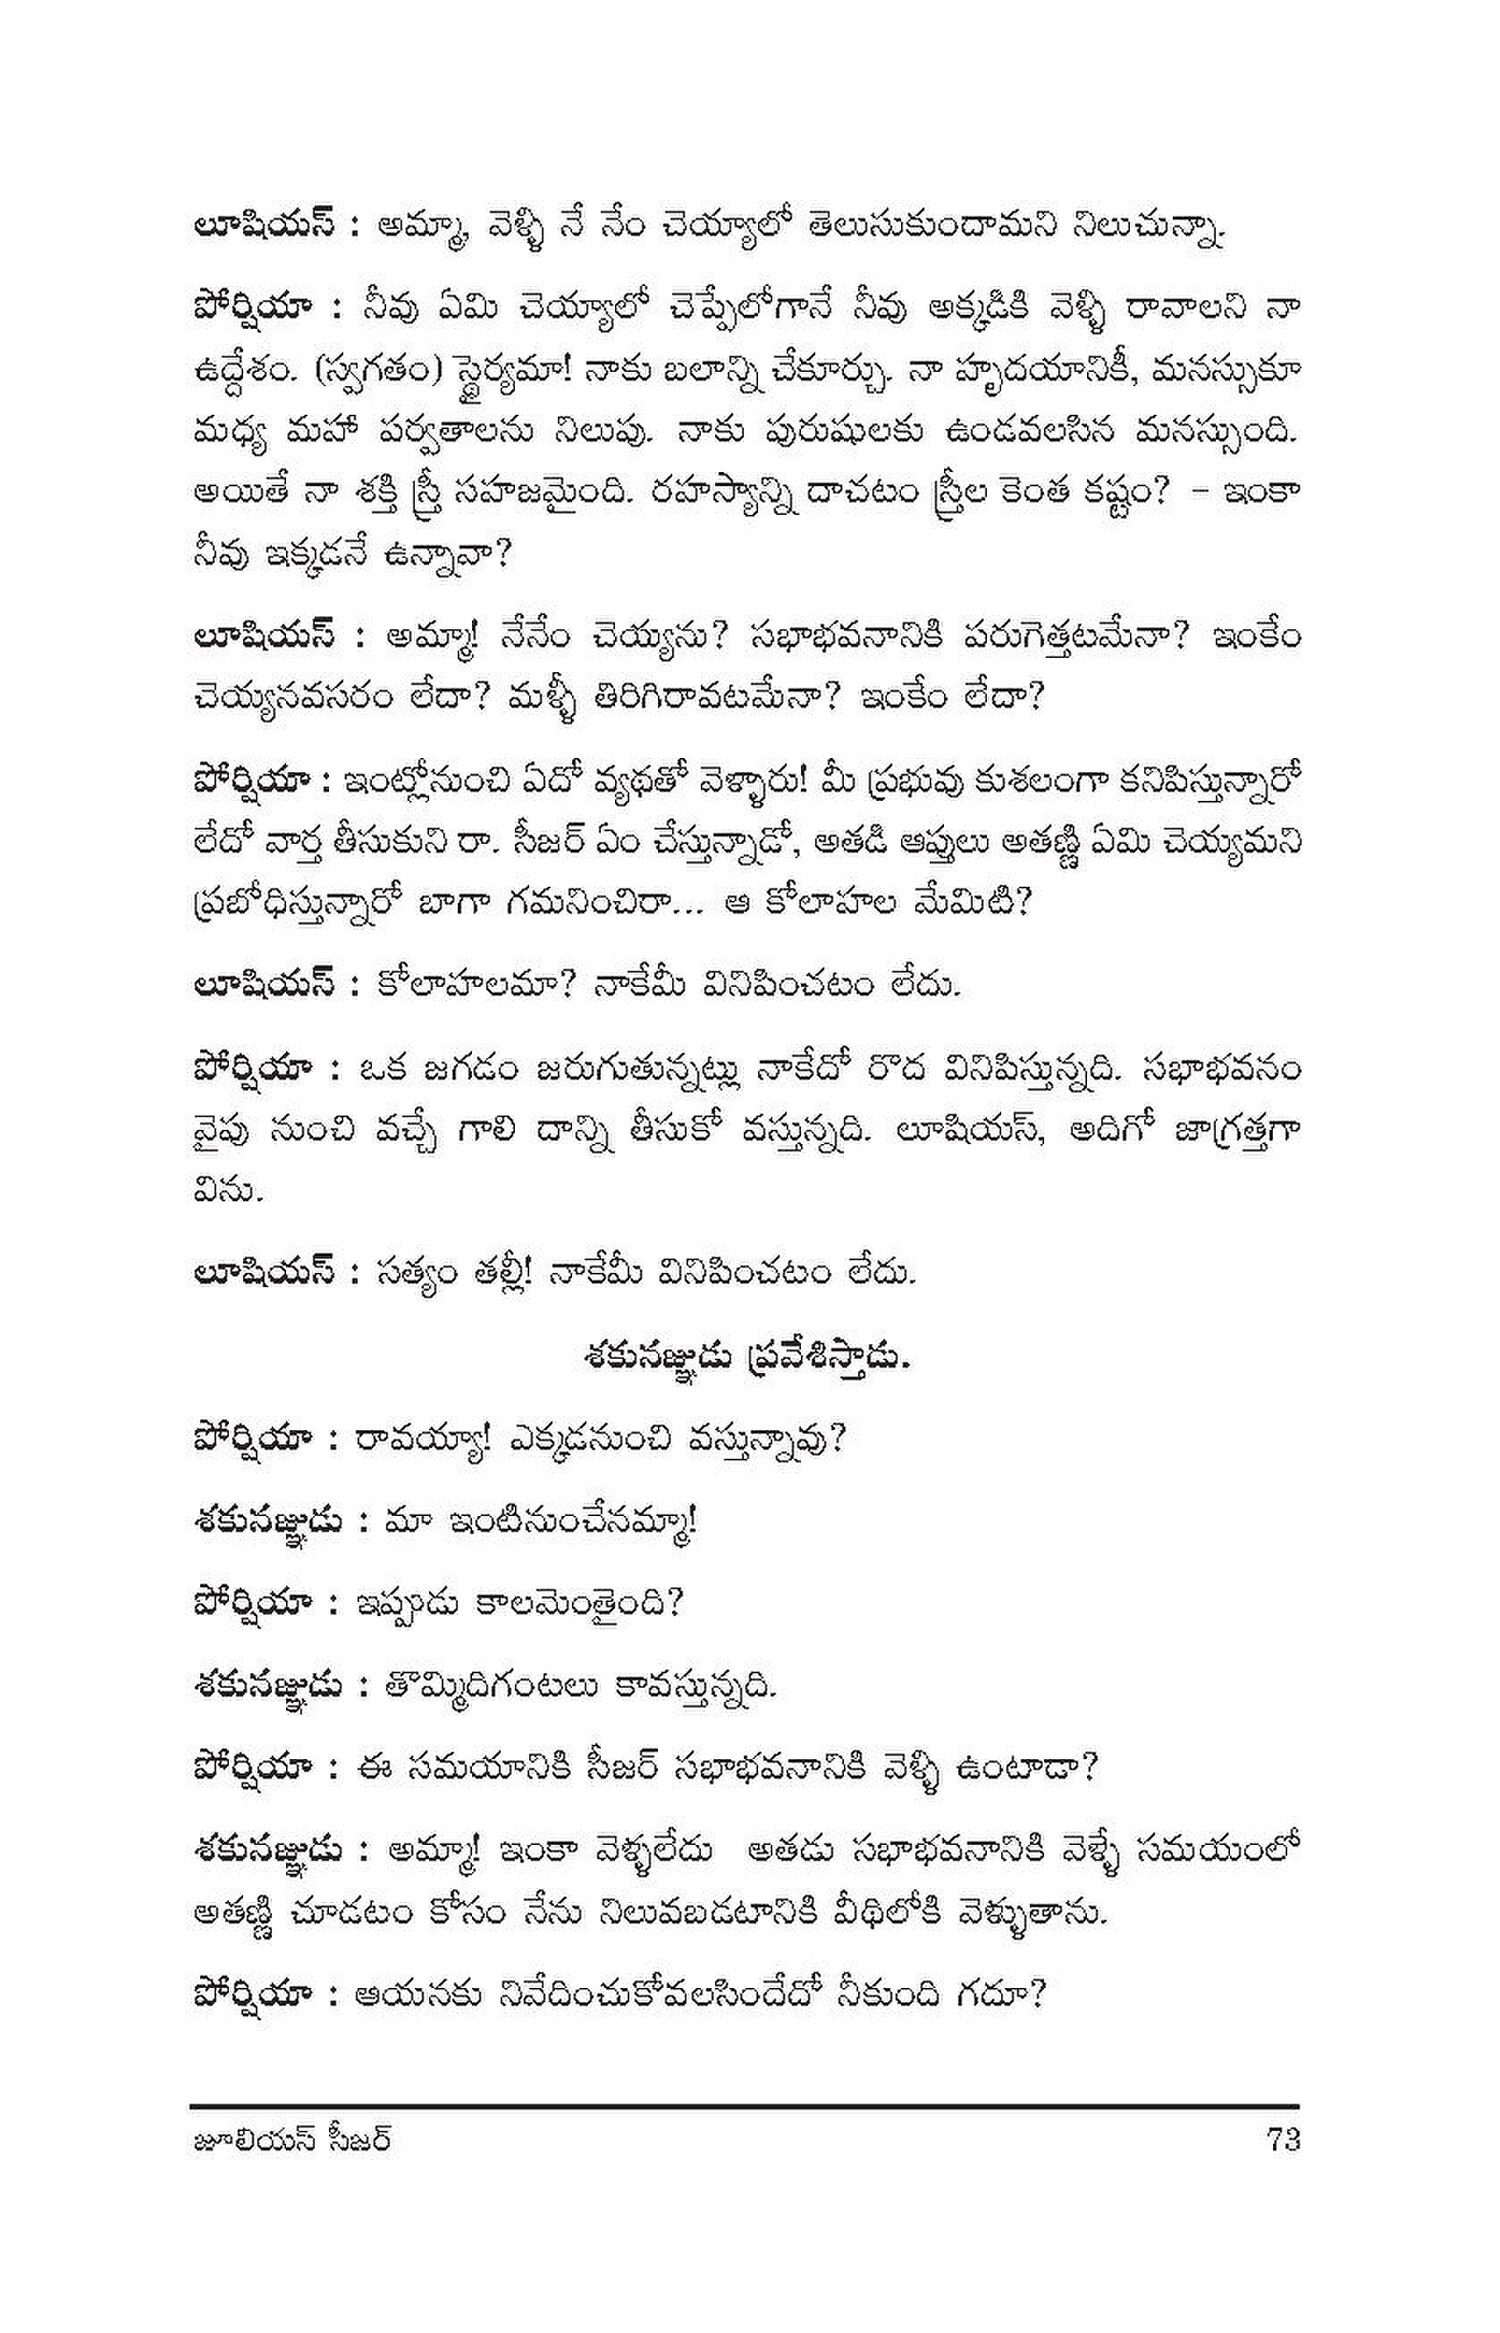లూషియస్ : అమ్మా, వెళ్ళి నే నేం చెయ్యాలో తెలుసుకుందామని నిలుచున్నా.

పోర్షియా : నీవు ఏమి చెయ్యాలో చెప్పేలోగానే నీవు అక్కడికి వెళ్ళి రావాలని నా ఉద్దేశం. (స్వగతం) స్థైర్యమా! నాకు బలాన్ని చేకూర్చు. నా హృదయానికీ, మనస్సుకూ మధ్య మహా పర్వతాలను నిలుపు. నాకు పురుషులకు ఉండవలసిన మనస్సుంది. అయితే నా శక్తి స్త్రీ సహజమైంది. రహస్యాన్ని దాచటం స్త్రీల కెంత కష్టం? - ఇంకా
నీవు ఇక్కడనే ఉన్నావా?

లూషియస్ : అమ్మా! నేనేం చెయ్యను? సభాభవనానికి పరుగెత్తటమేనా? ఇంకేం చెయ్యనవసరం లేదా? మళ్ళీ తిరిగిరావటమేనా? ఇంకేం లేదా?

పోర్షియా : ఇంట్లోనుంచి ఏదో వ్యథతో వెళ్ళారు! మీ ప్రభువు కుశలంగా కనిపిస్తున్నారో లేదో వార్త తీసుకుని రా. సీజర్ ఏం చేస్తున్నాడో, అతడి ఆప్తులు అతణ్ణి ఏమి చెయ్యమని ప్రబోధిస్తున్నారో బాగా గమనించిరా... ఆ కోలాహల మేమిటి?

లూషియస్ : కోలాహలమా? నాకేమీ వినిపించటం లేదు.

పోర్షియా : ఒక జగడం జరుగుతున్నట్లు నాకేదో రొద వినిపిస్తున్నది. సభాభవనం వైపు నుంచి వచ్చే గాలి దాన్ని తీసుకో వస్తున్నది. లూషియస్, అదిగో జాగ్రత్తగా విను.

లూషియస్ : సత్యం తల్లీ! నాకేమీ వినిపించటం లేదు.

పోర్షియా : రావయ్యా! ఎక్కడనుంచి వస్తున్నావు?

శకునజ్ఞుడు : మా ఇంటినుంచేనమ్మా!

పోర్షియా : ఇప్పుడు కాలమెంతైంది?

శకునజ్ఞుడు : తొమ్మిదిగంటలు కావస్తున్నది.

పోర్షియా : ఈ సమయానికి సీజర్ సభాభవనానికి వెళ్ళి ఉంటాడా?

శకునజ్ఞుడు : అమ్మా! ఇంకా వెళ్ళలేదు అతడు సభాభవనానికి వెళ్ళే సమయంలో అతణ్ణి చూడటం కోసం నేను నిలువబడటానికి వీథిలోకి వెళ్ళుతాను.

పోర్షియా : ఆయనకు నివేదించుకోవలసిందేదో నీకుంది గదూ?